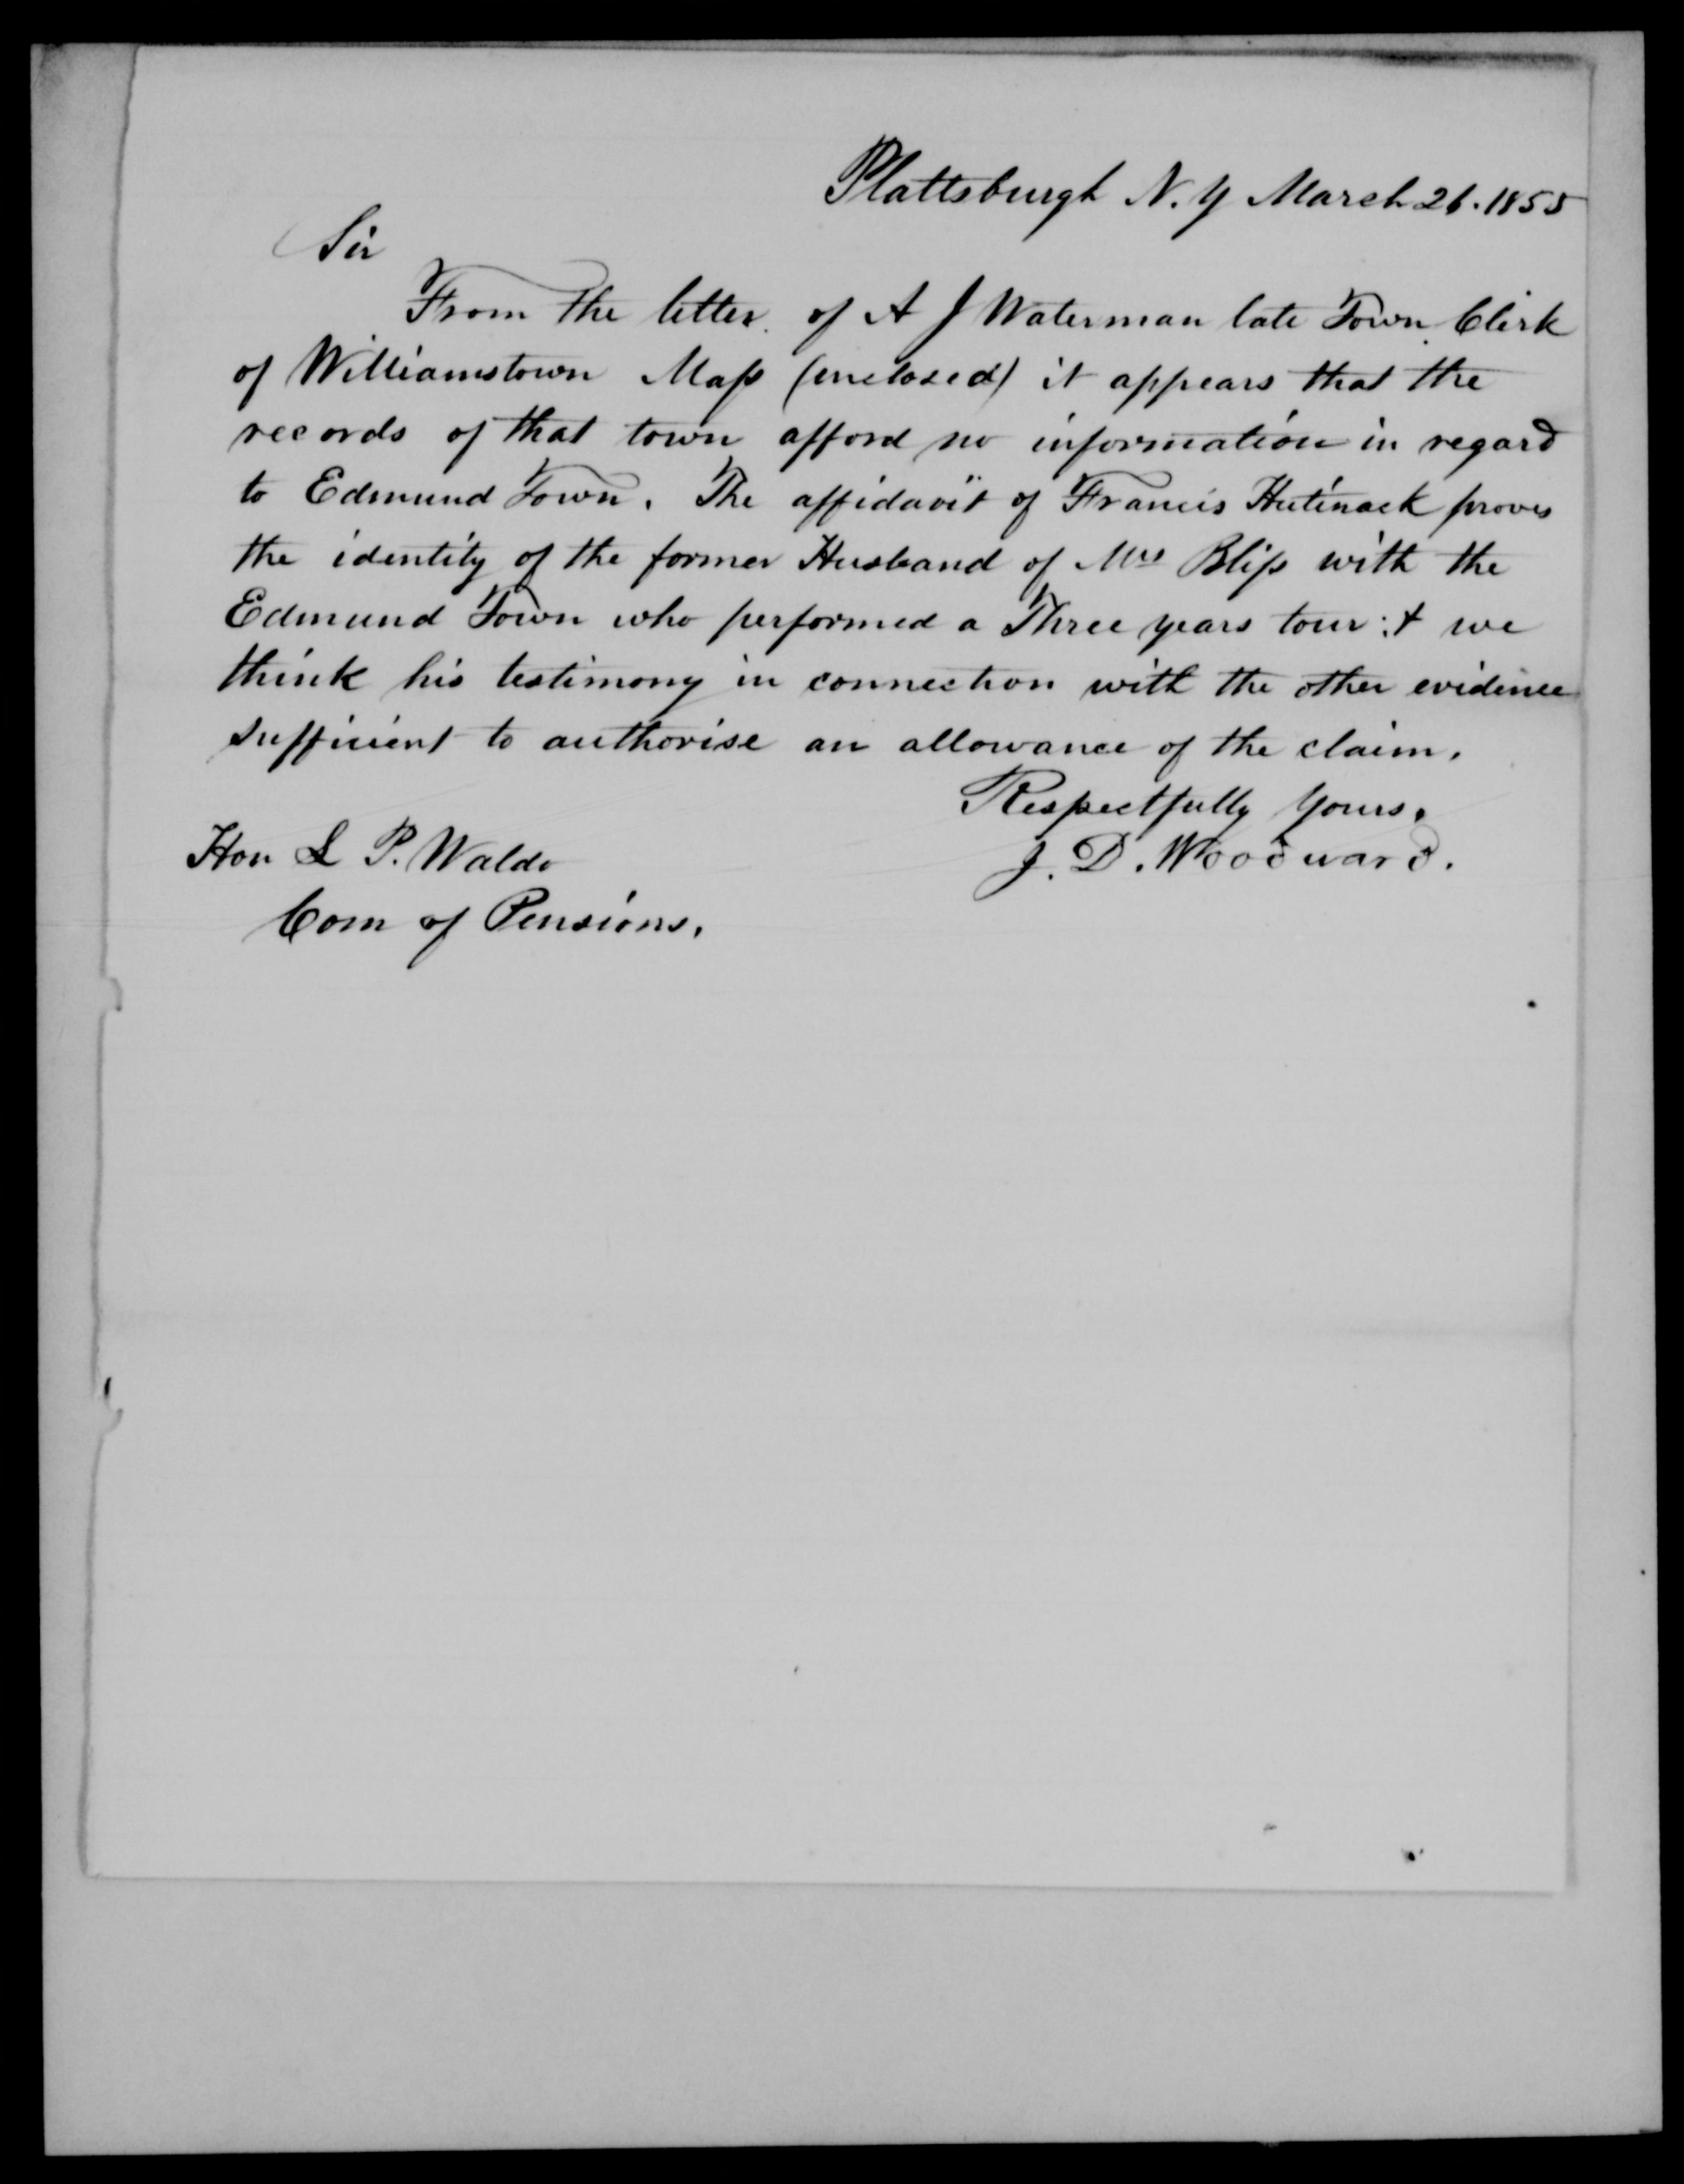Plattsburgh N. Y. March 26, 1855

Sir
From the letter of A. J. Waterman late town Clerk of Williamstown Mass (enclosed) it appears that the records of that town afford no information in regard to Edmund Town. The affidavit of Francis Hutinack proves the identity of the former Husband of Mrs. Bliss with the Edmund Town who performed a Three years tour & we think his testimony in connection with the other evidence sufficient to authorise an allowance of the claim.
Respectfully yours,
J. D. Woodward

Hon. L. P. Waldo
Com. of Pensions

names: Edmund Town, L P Waldo, J D Woodward, A J Waterman, Bliss, Francis Hutinack, Edmund Town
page: 28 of 64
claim: widow's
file: W. 5831, Edmund Town, Mass.